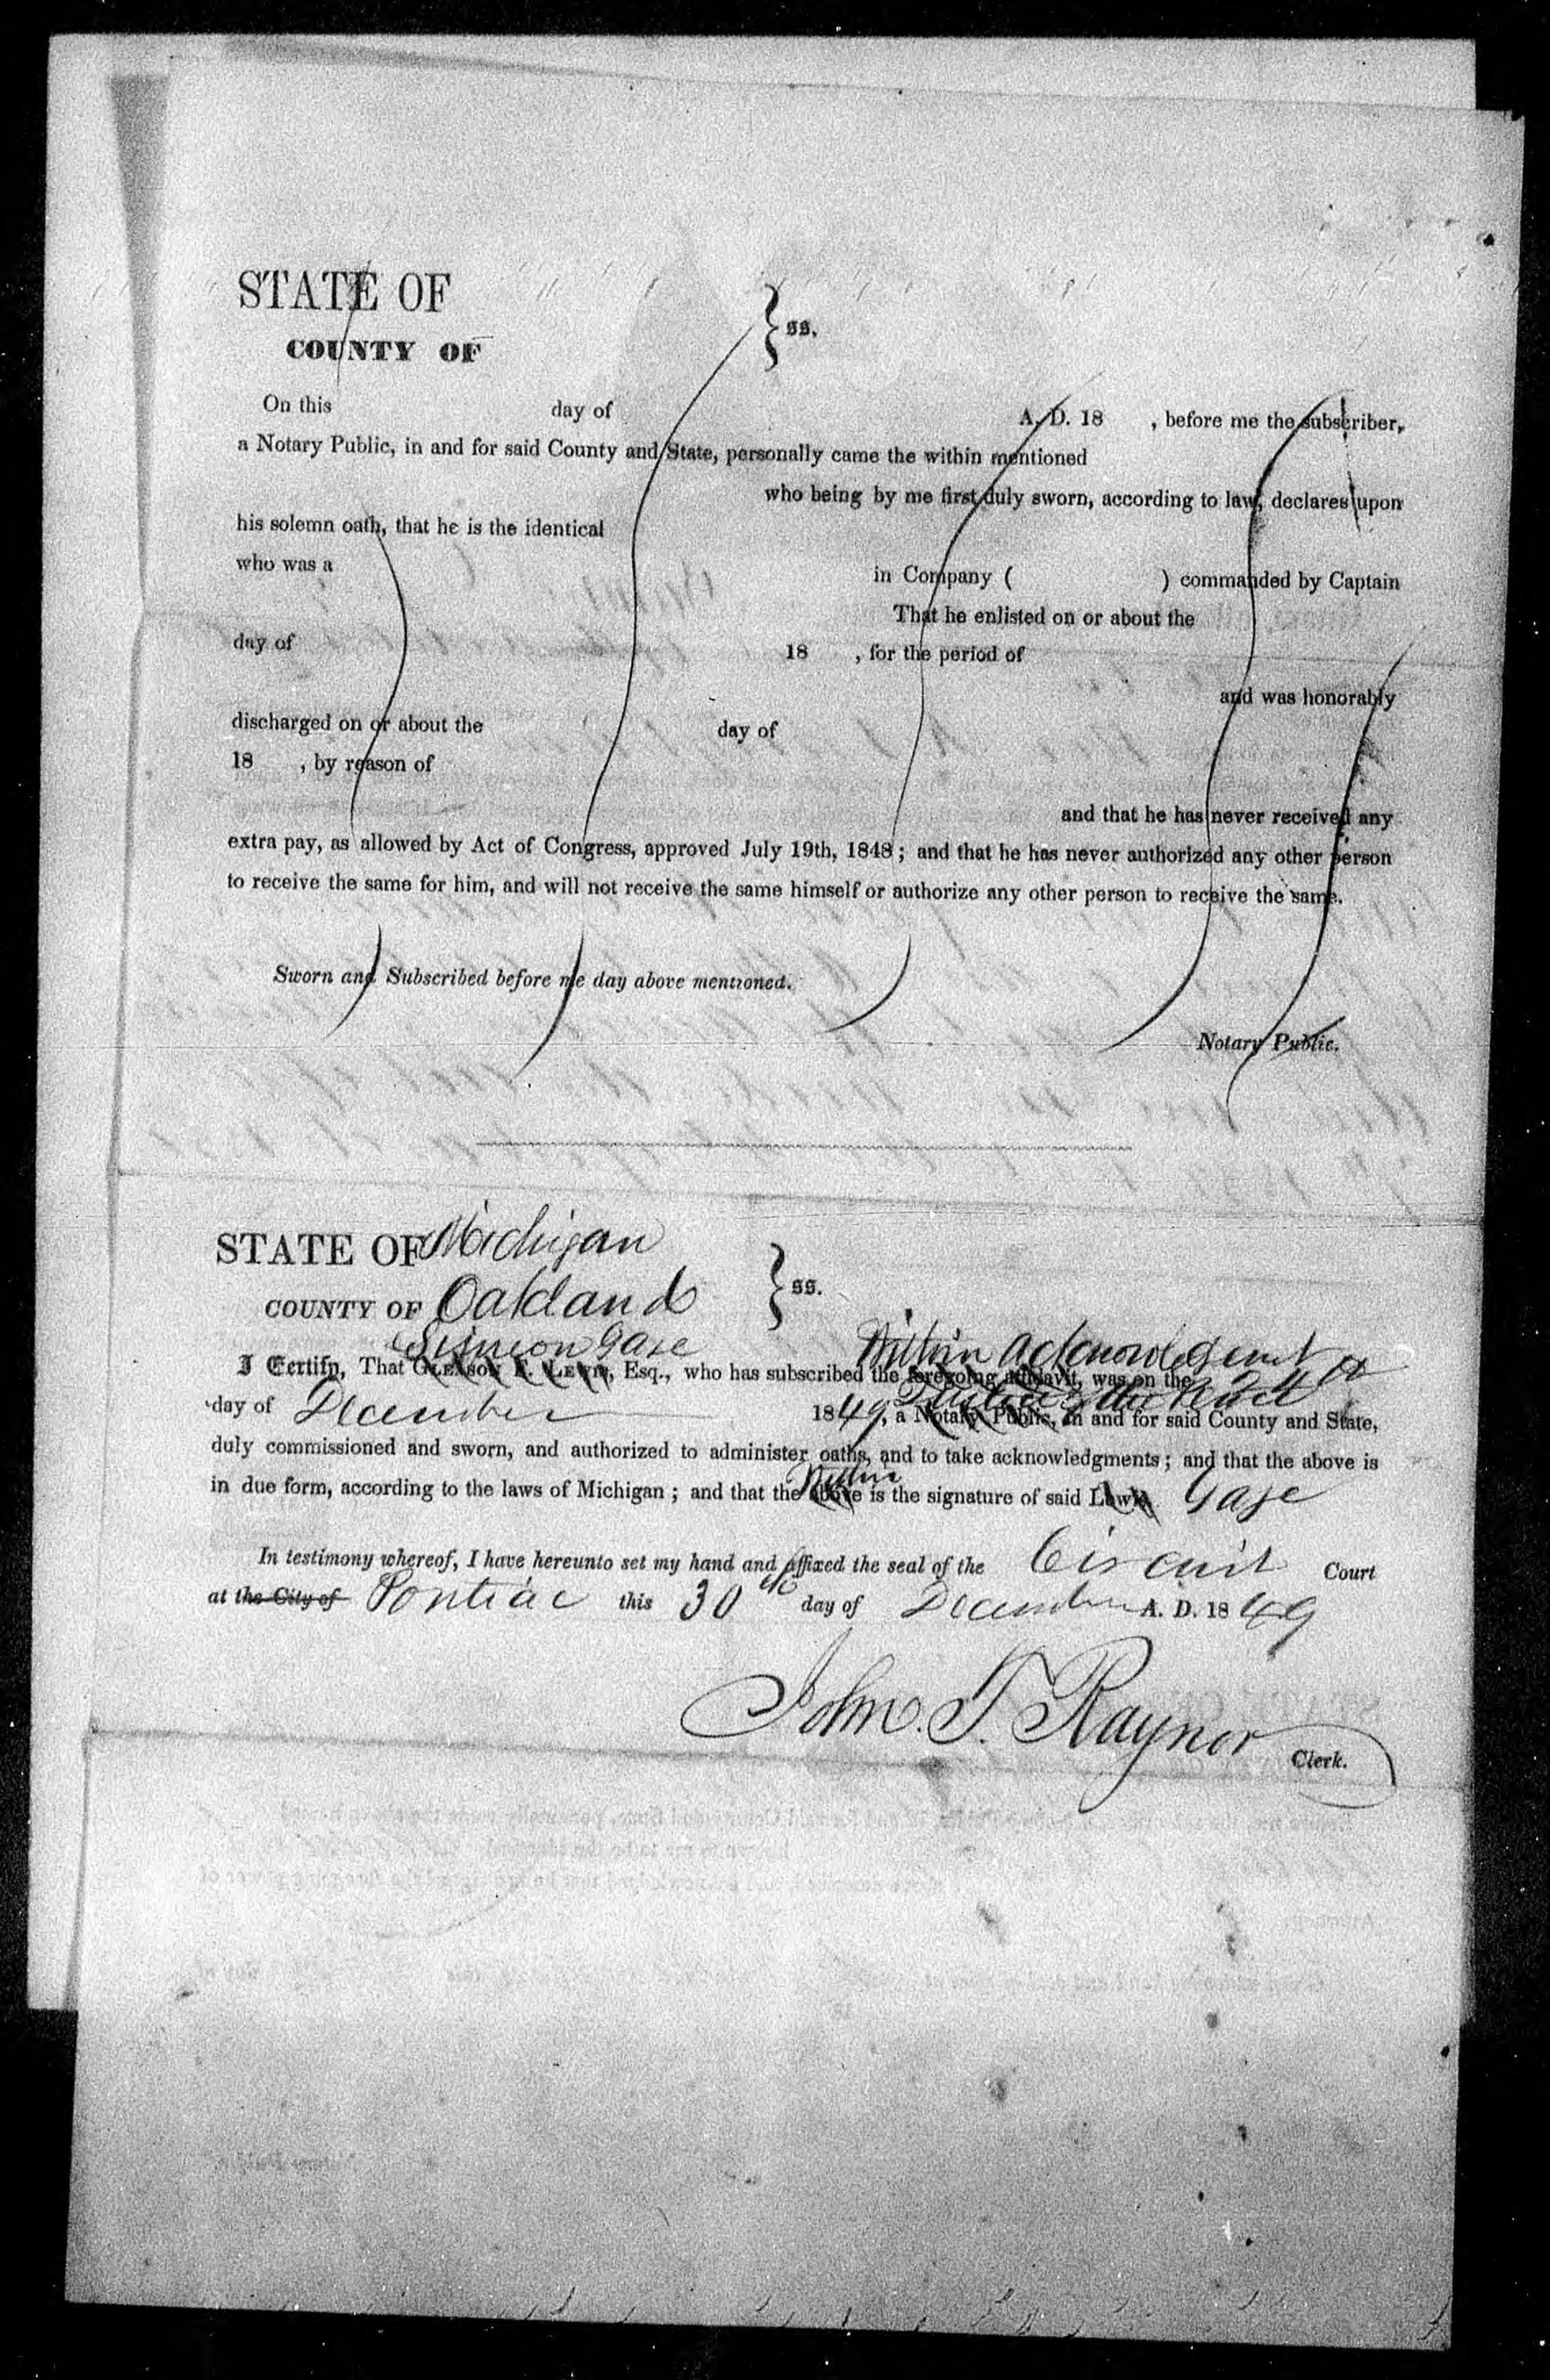State of Michigan
County of Oakland ss.

I certify Simon Gase Esq., who has subscribed within acknowledgement this 24th day of December 1849, a justice of the peace and for the county and State, duly commissioned and sworn, and authorized to administer oaths, and to take acknowledgements; and that the above is in due form, according to the laws of Michigan; and that the [illegible] is the signature of said Gase

In testimony whereof, I have hereunto set my hand and affixed the seal of the Circuit Court at Pontiac this 30th day of December A.D. 1849

[signed] John. T. Raynor Clerk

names: Gase, Simeon Gase, John T Raynor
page: 66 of 66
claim: rejected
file: R. 4298, Samuel Gregory, New York